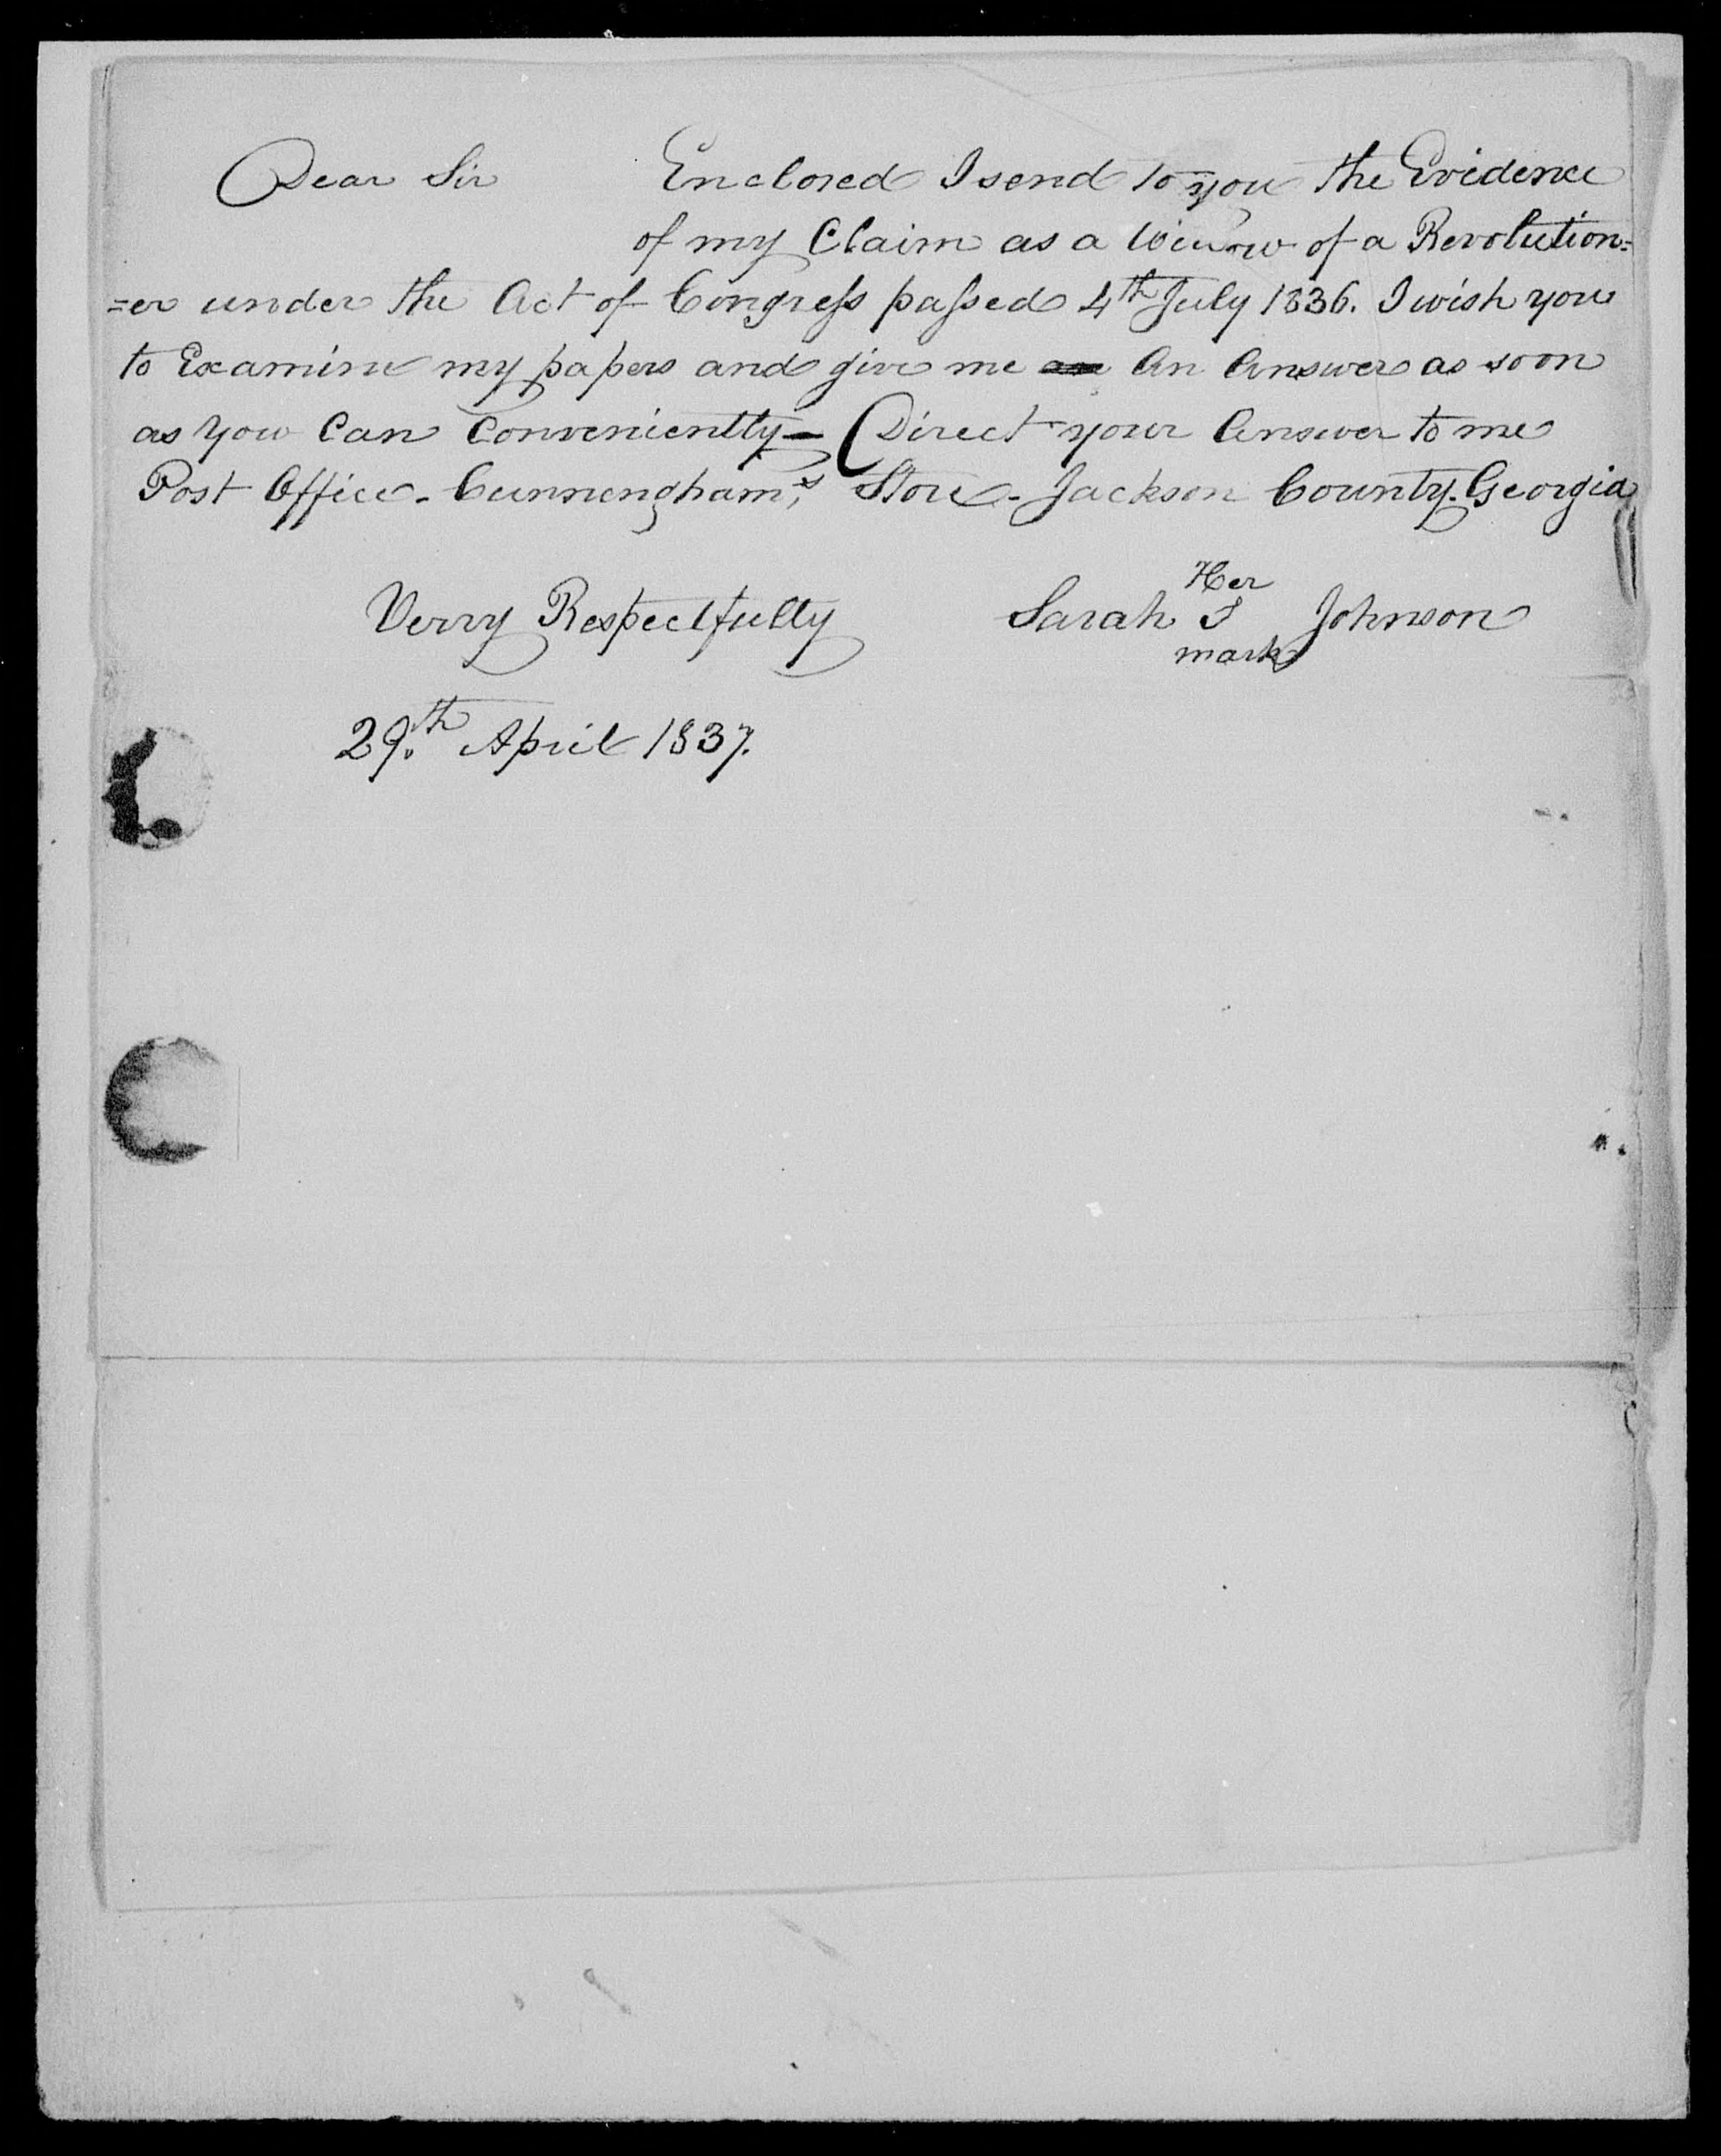Dear Sir
Enclosed I send to you the Evidence ┃
of my claim as a Widow of a Revolution
=er under the act of Congress passed 4th July 1836. I wish you
to Examine my papers and give me an answer as soon
as you can conveniently-- Direct your answer to me
Post Office Cunningham, Store Jackson County Georgia
Verry Respectfully
Her
Sarah  Johnson
mark
29th April 1837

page: 15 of 26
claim: widow's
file: W. 4464, for John H Johnson, Georgia